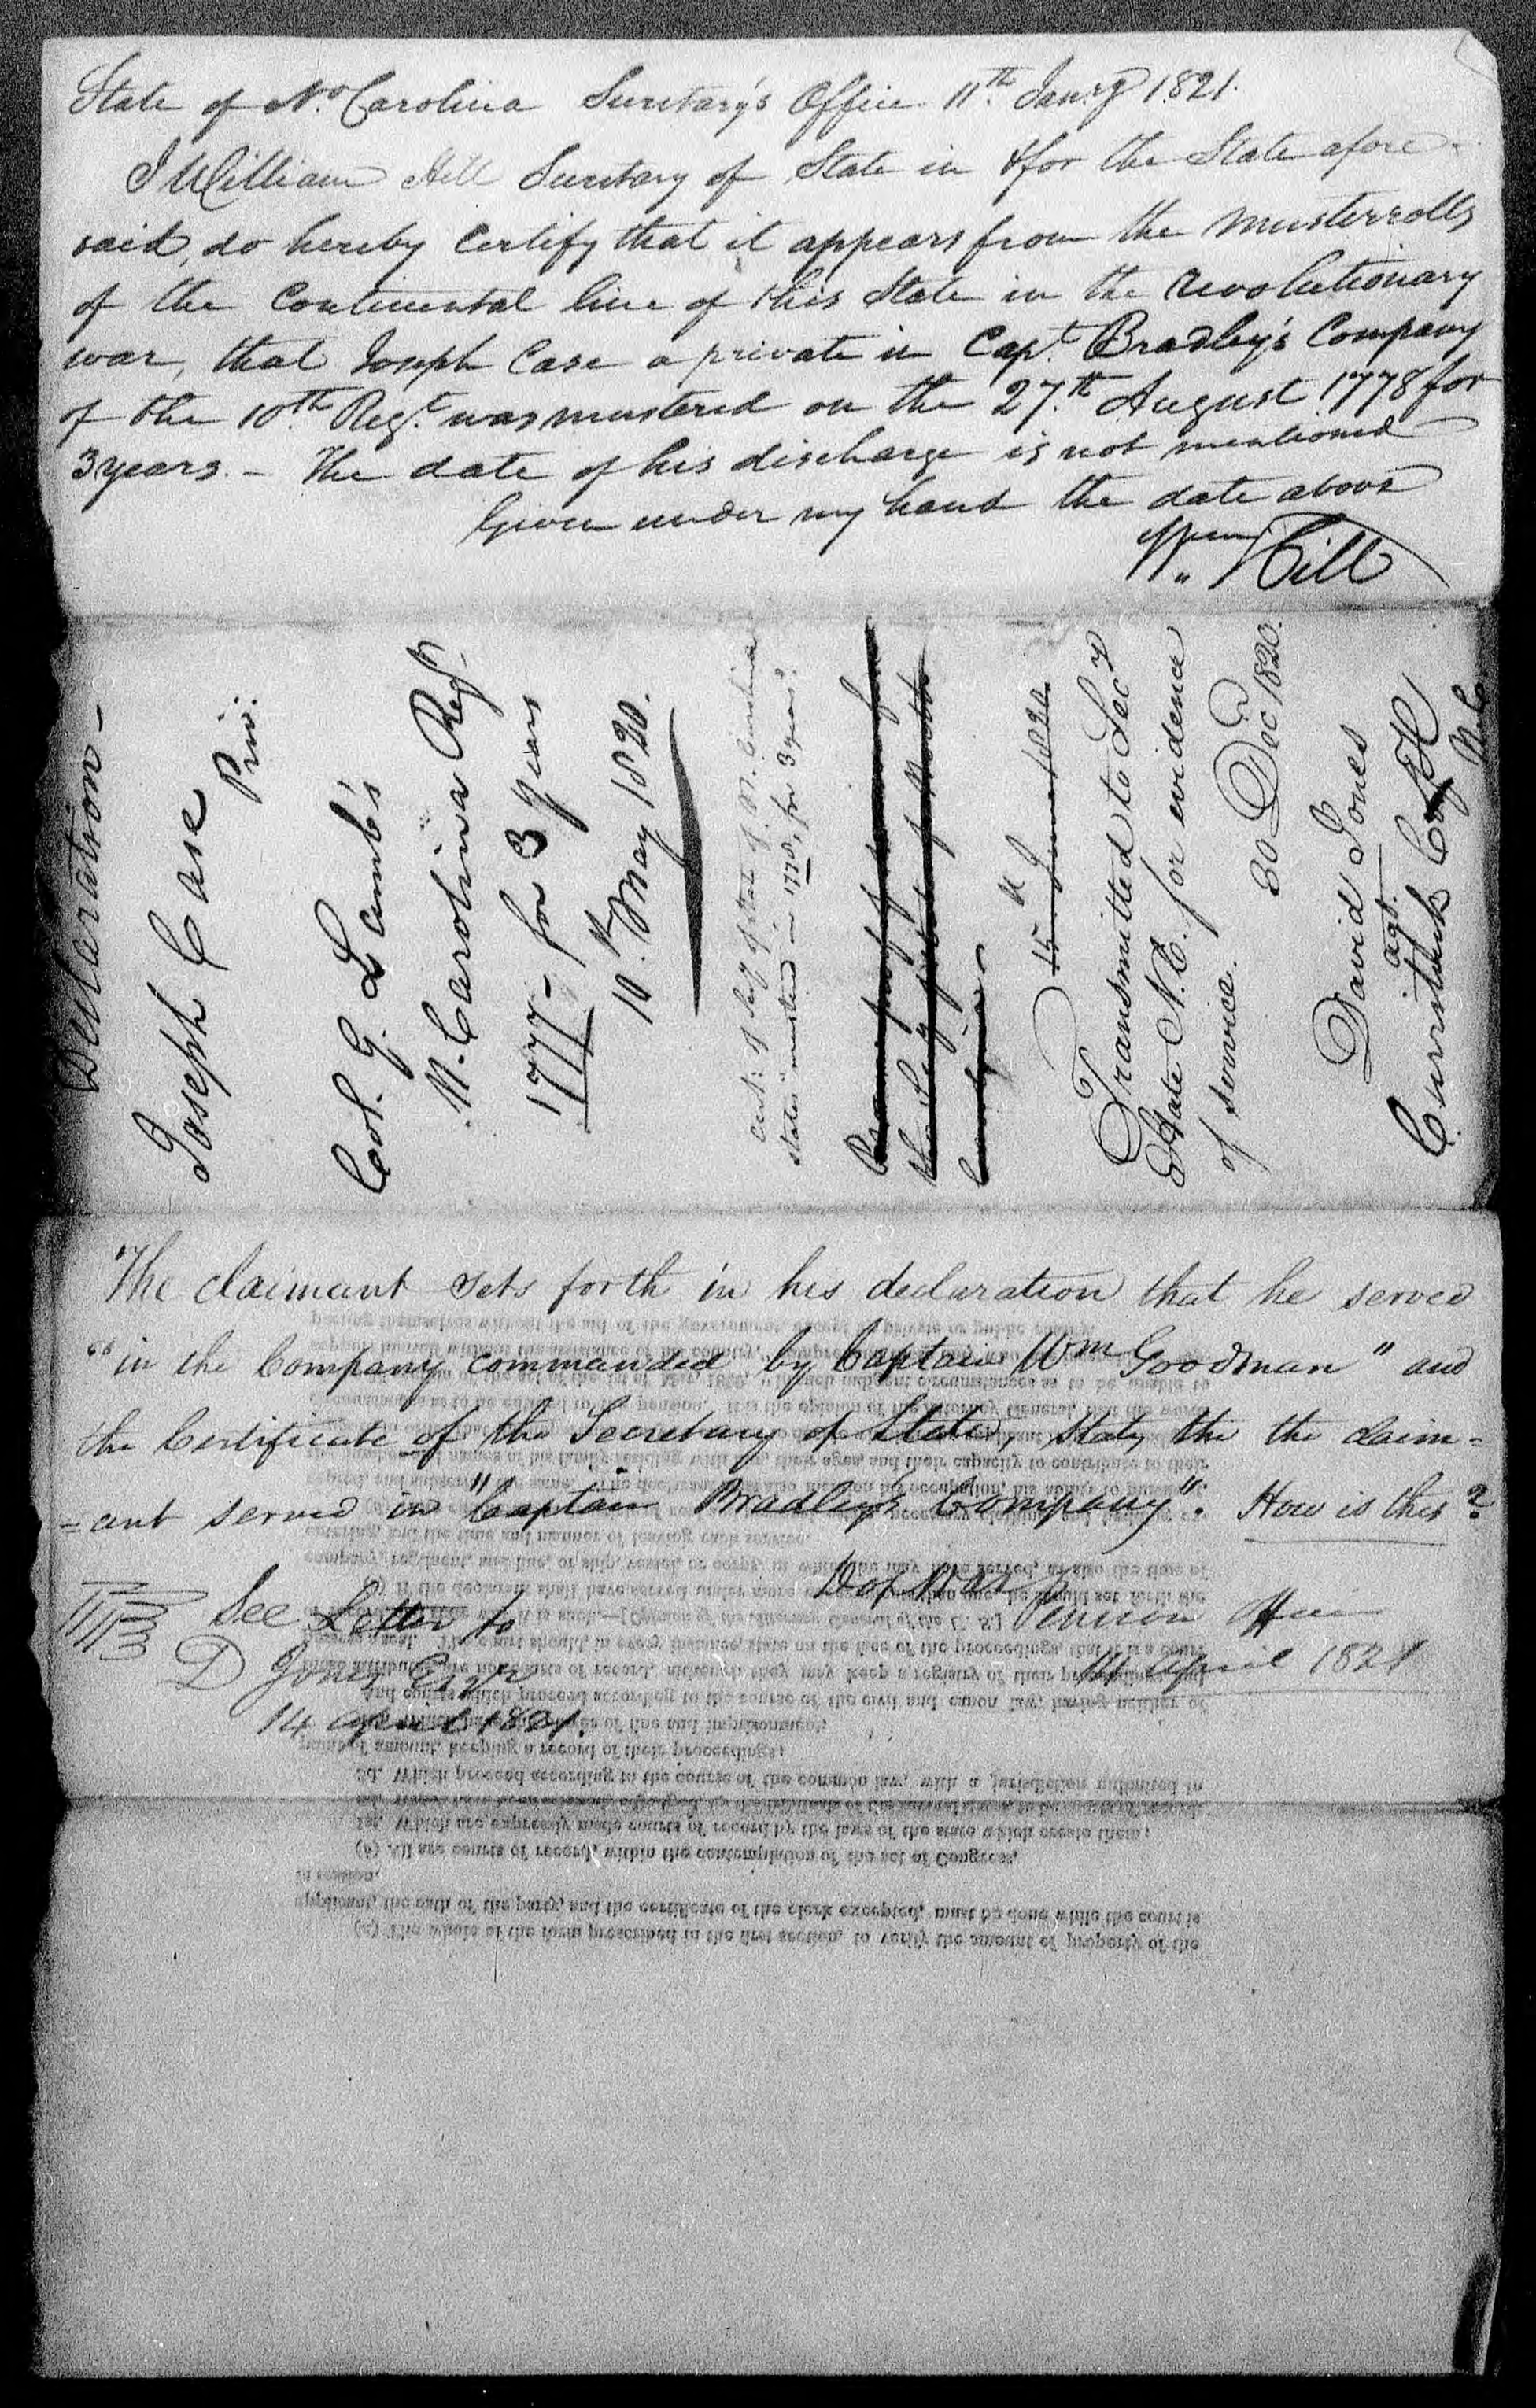State of North Carolina Secretary's Office 11th January 1821

J William Hill Secretary of State in [illegible] the State [illegible] said, do hereby certify that it appears from the [illegible] of the continental line of this State in the revolutionary war, that Joseph Case a private in Capt. Bradley's Company of the 10th Regt. was [illegible] on the 27th August 1778 for 3 years - The date of his discharge is not [illegible] [illegible] under my hand the date above [signature illegible]

Declaration - Joseph Case [illegible]:
Col. G. Lamb's N. Carolina Regt. 177 - for 3 years
10 May 1820.

Transmitted to Secretary of State N.C. for evidence of service 30 Dec 1820

David Loves 

The claimant sets forth in his declaration that he served "in the Company commanded by Captain William Goodman" and the Certificate of the Secretary of State, state, this the claim-ant served in "Captain Bradley's Company". How is this? 

See letter to [illegible] 14 April 1821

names: D Jones, Joseph Case, Joseph Case, William Hill, G Lamb, Wm Goodman, Wm Hill, David Jones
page: 20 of 20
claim: survivor's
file: S. 41472, Joseph Case, N.C.